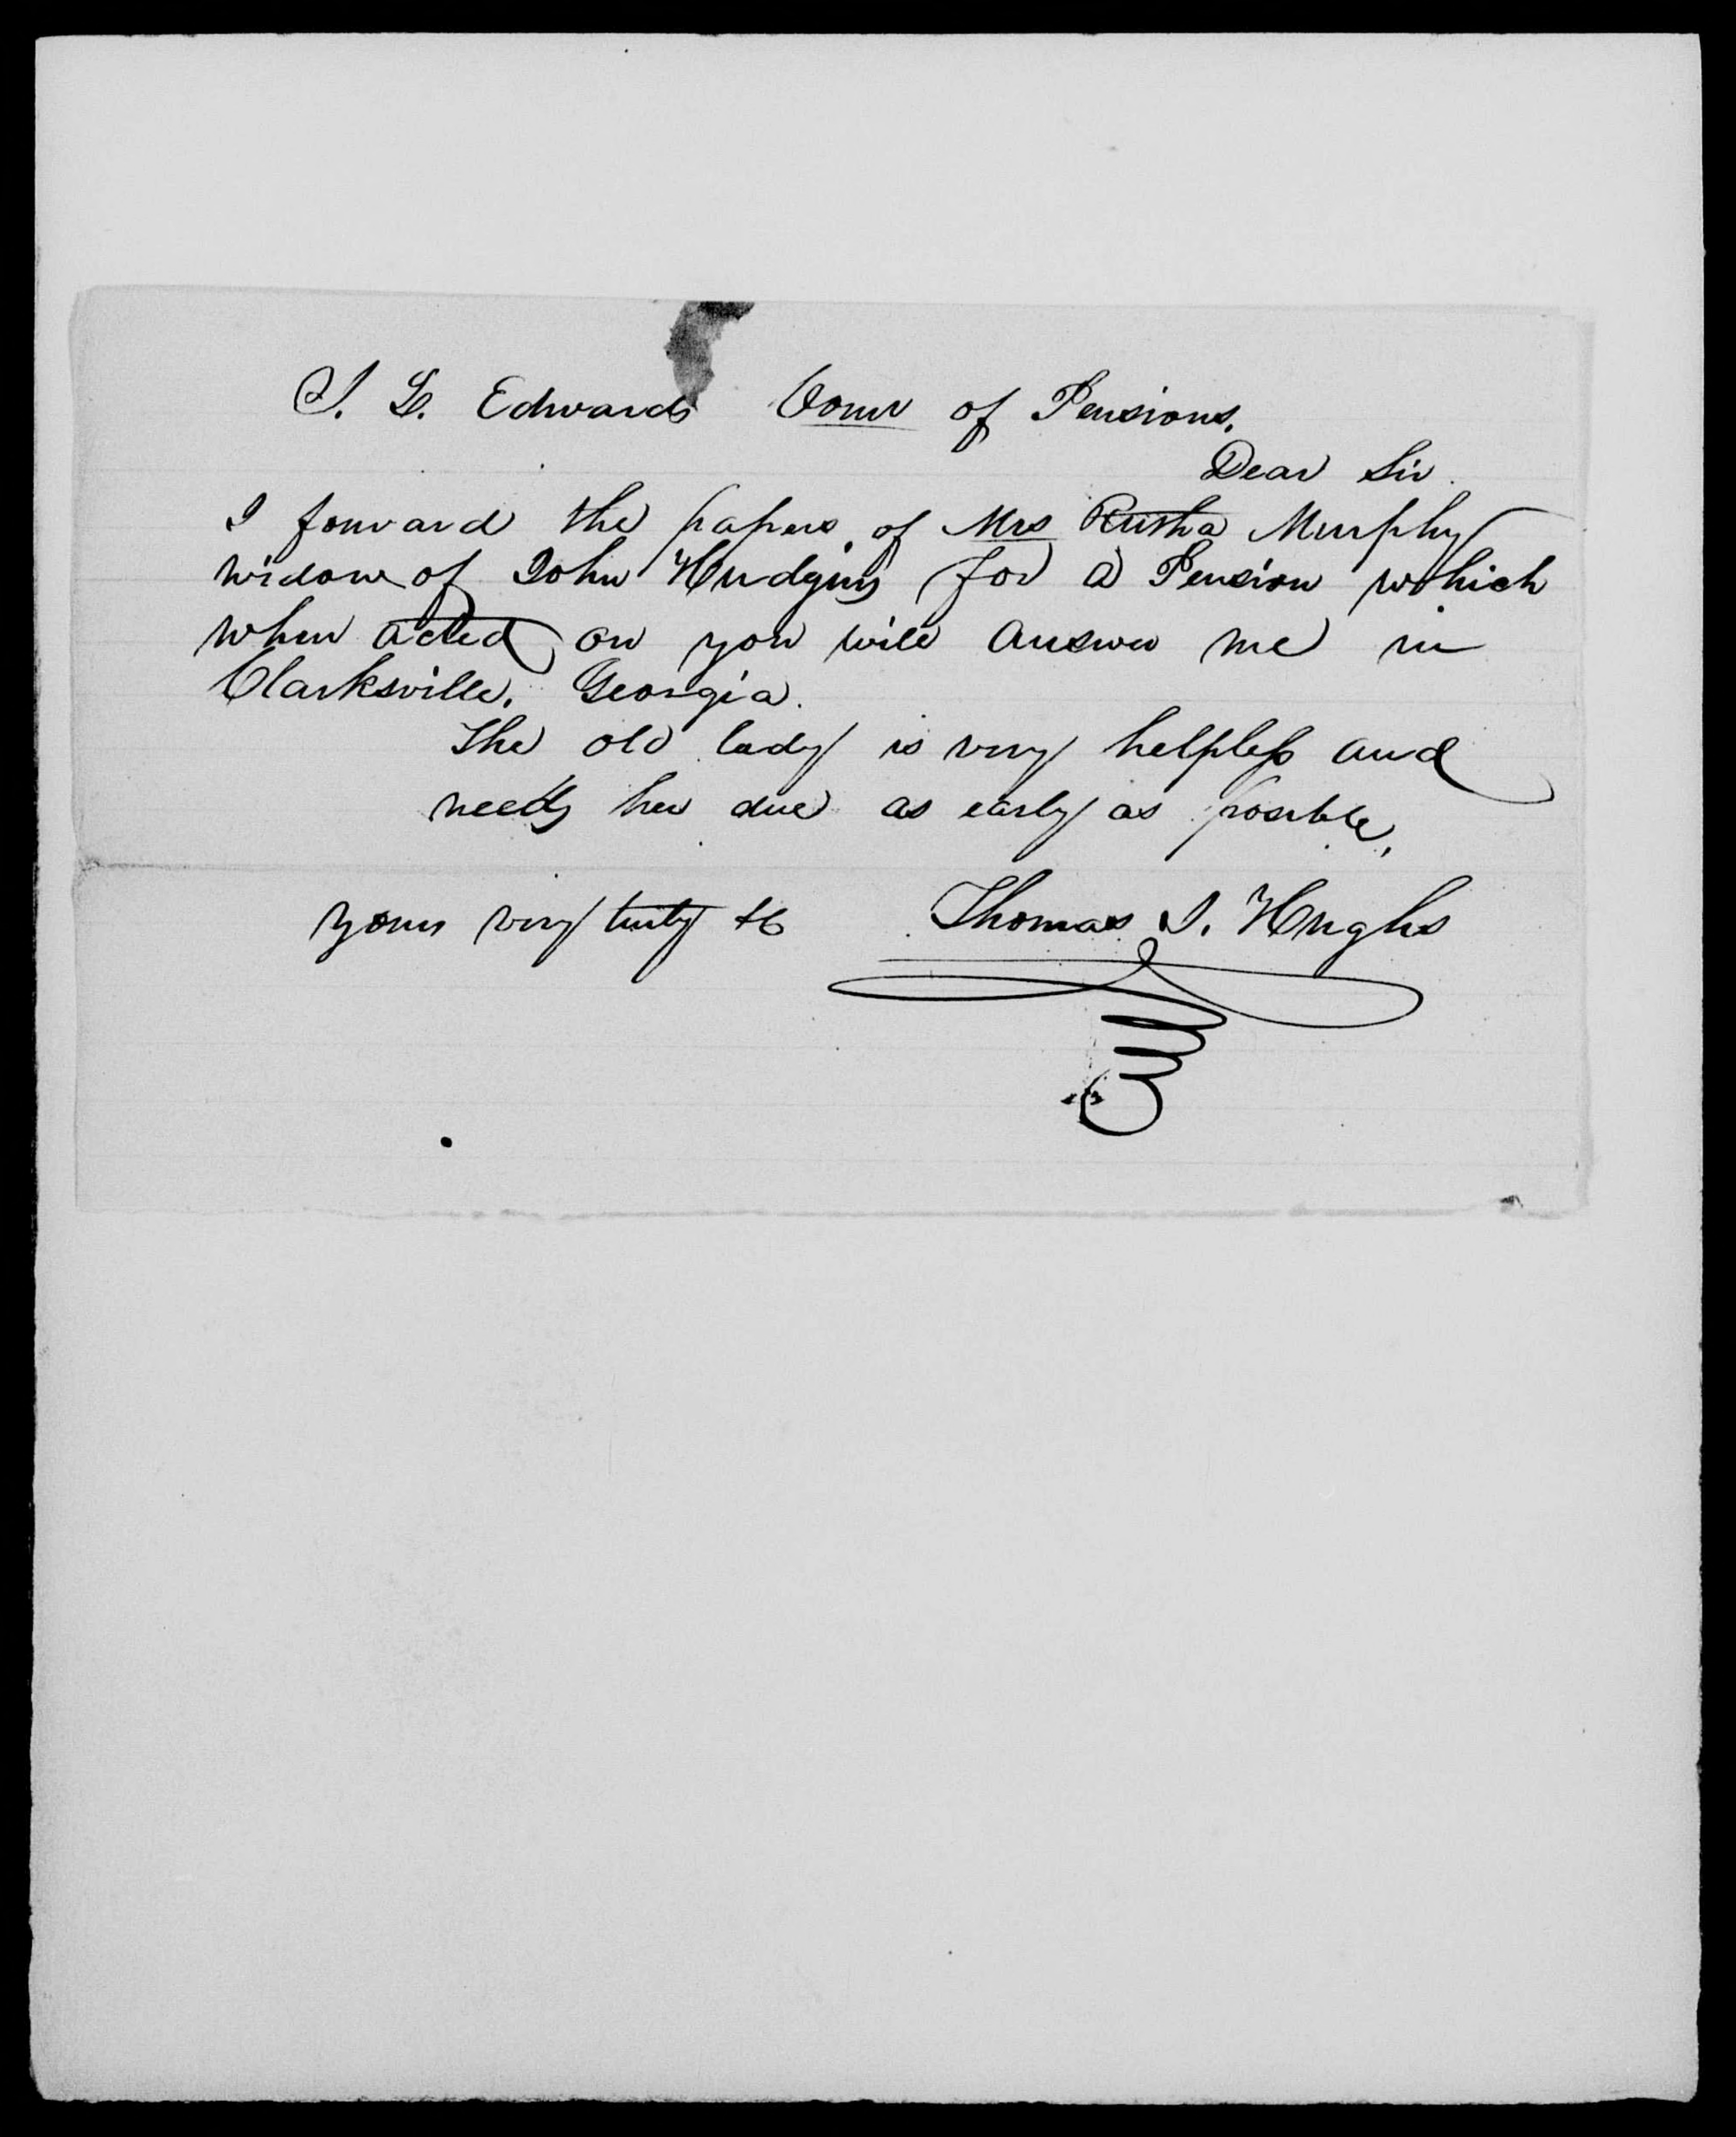J.L. Edward’s Court of Pensions
Dear Sir
I forward the papers of Mrs Rutha Murphy widow of John Hudgins for a pension which when acted on you will answer me in Clarksville, Georgia.
The old lady is very helpless and needs her due as early as possible.
Yours very truly 
Thomas J. Hughs
(Squiggle lines under signature)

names: Rutha Murphy, Thomas J Hughs, J L Edwards, John Hudgins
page: 13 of 108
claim: rejected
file: R. 7,515, John Hudgins, N.C.